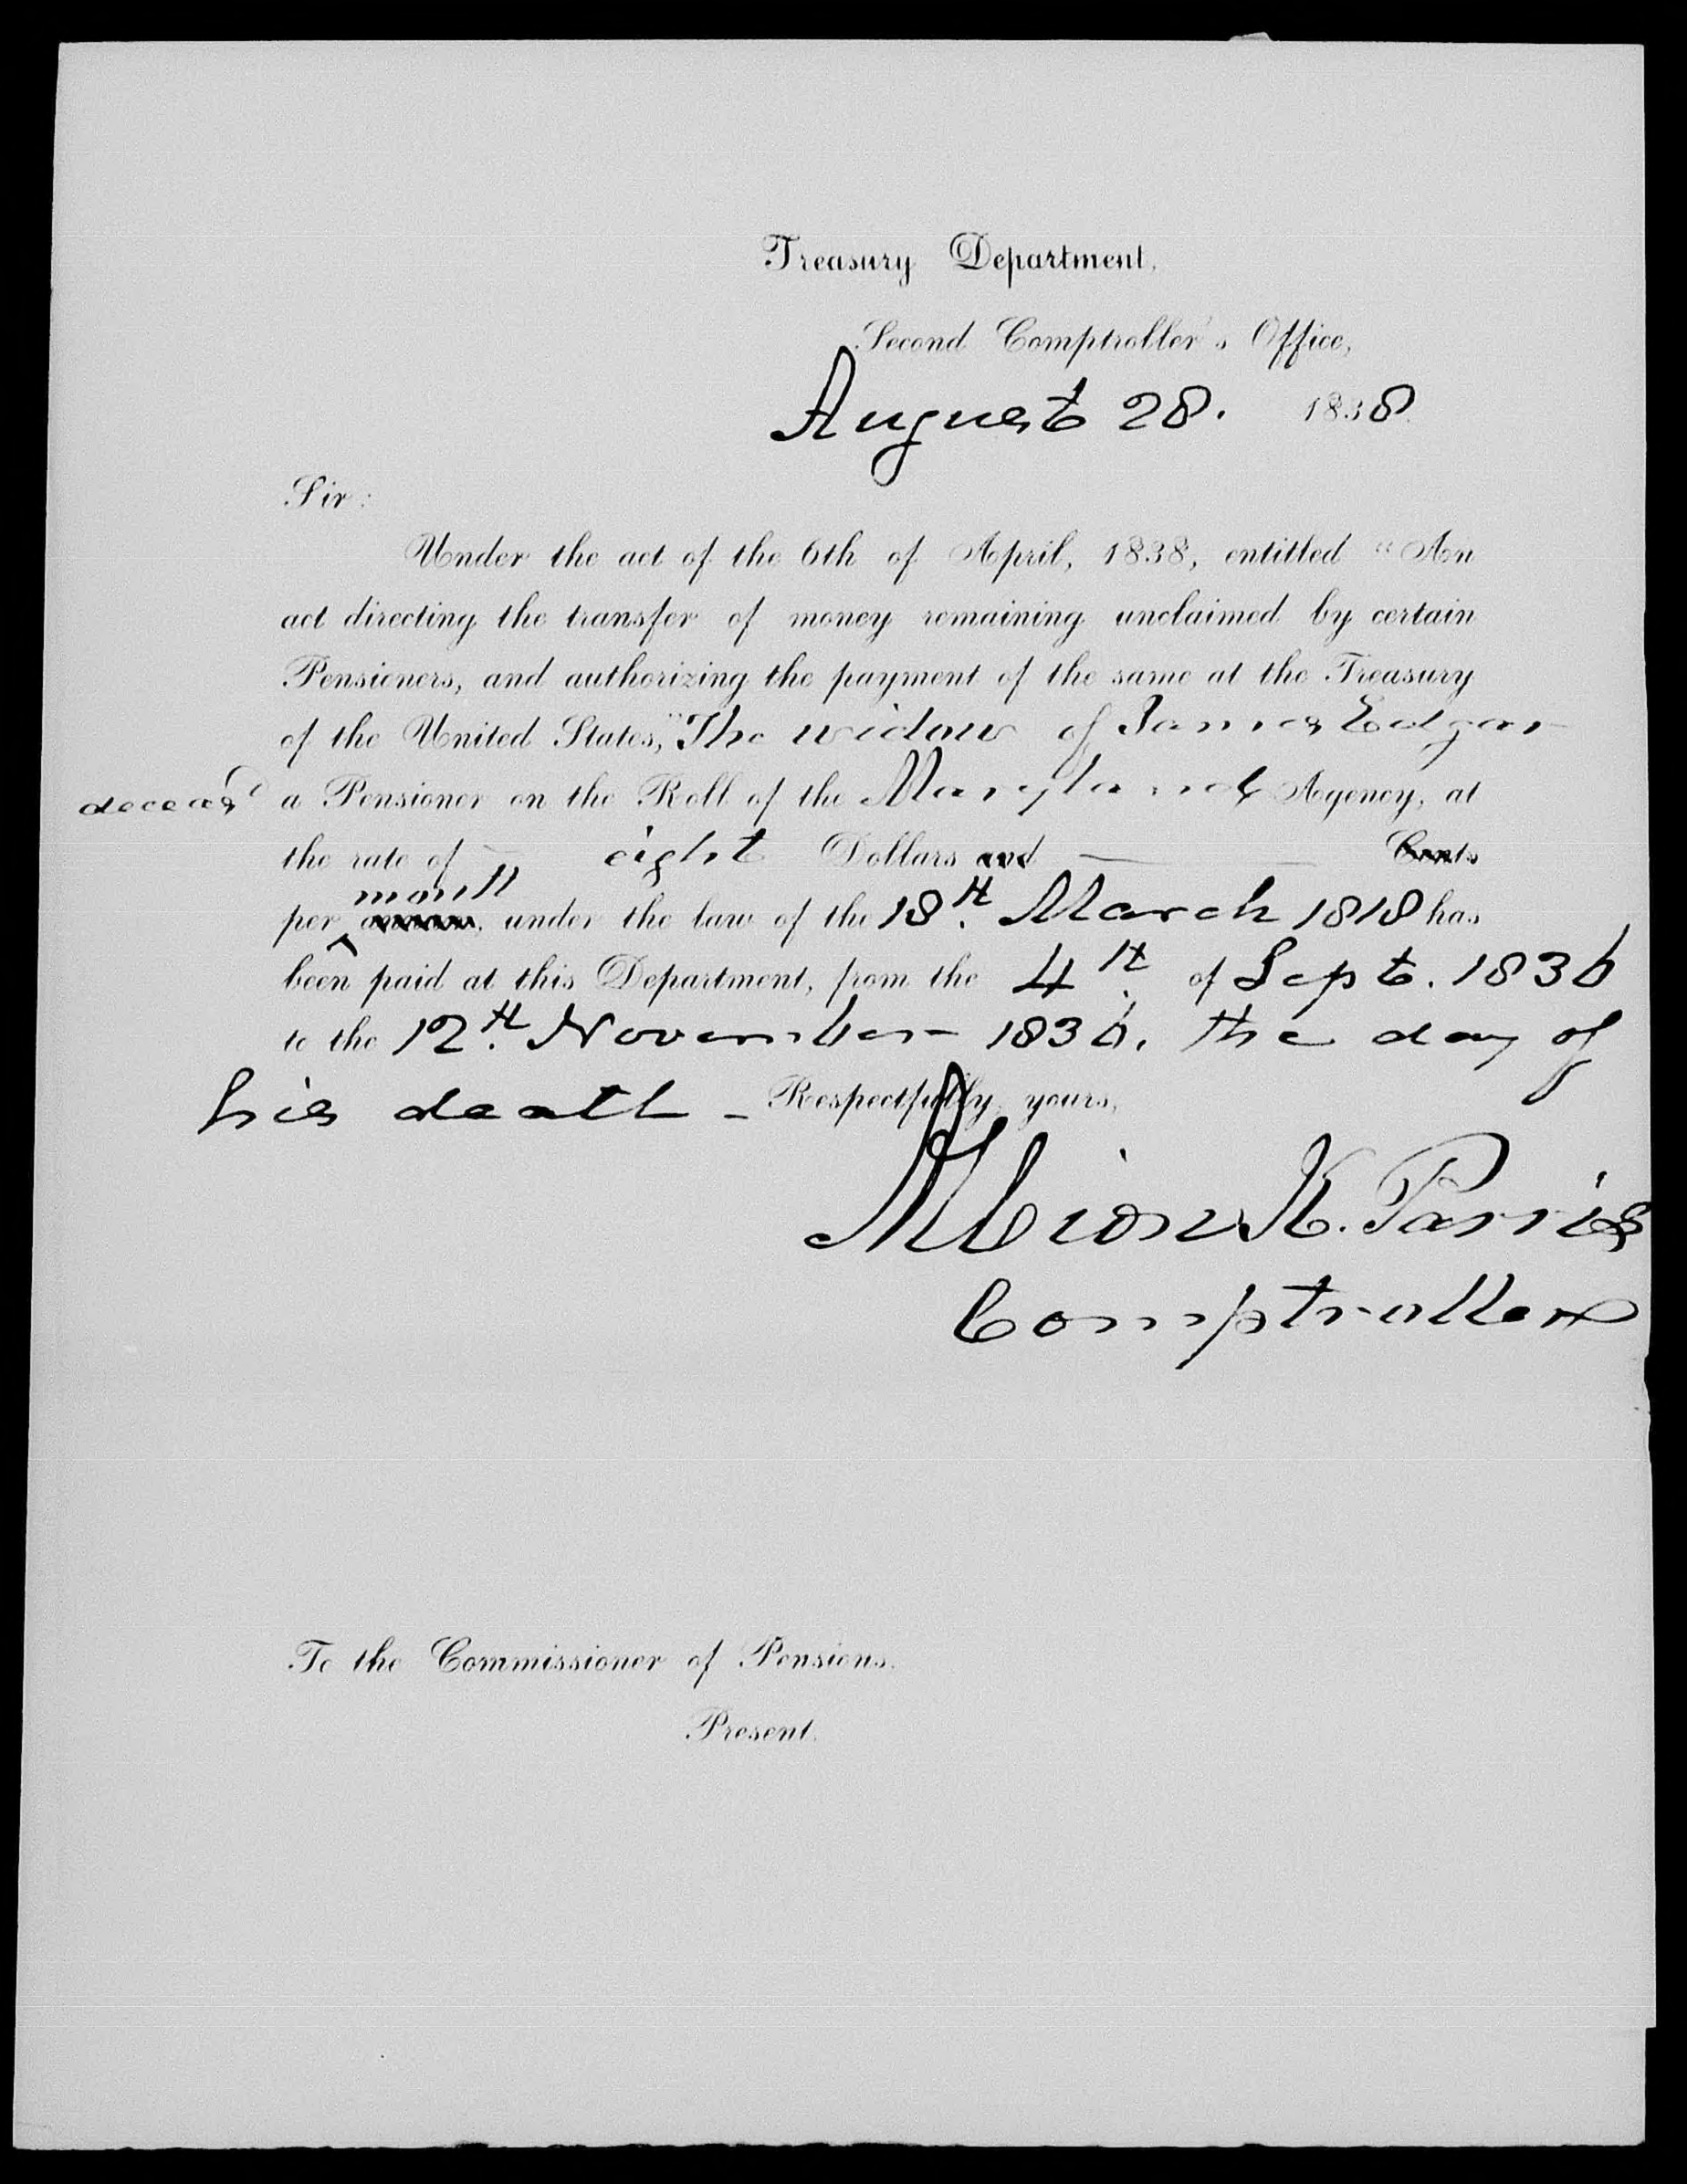Treasury Department,
Second Comptroller Office
August 28. 1838

Sir
Under the act of the 6th of April, 1838, entitled "An
act directing the transfer of money remaining unclaimed by certain
Pensioners, and authorizing the payment of the same at the Treasury
of the United States, The widow of James Edgar deceased
a Pensioner on the Roll of the Maryland Agency, at
the rate of eight Dollars and ____Cents
per month under the law of the 18th March 1818 has
been paid at this Department, from the 4th of Sept. 1836
to the 12th November 1836, the day of
his death-
Respectfully yours,
Albion K. Parris
Comptroller

To the Commissioner of Pensions
Present.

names: James Edgar, Albion K Parris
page: 68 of 74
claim: widow's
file: W. 9422, James Edgar, Penn.